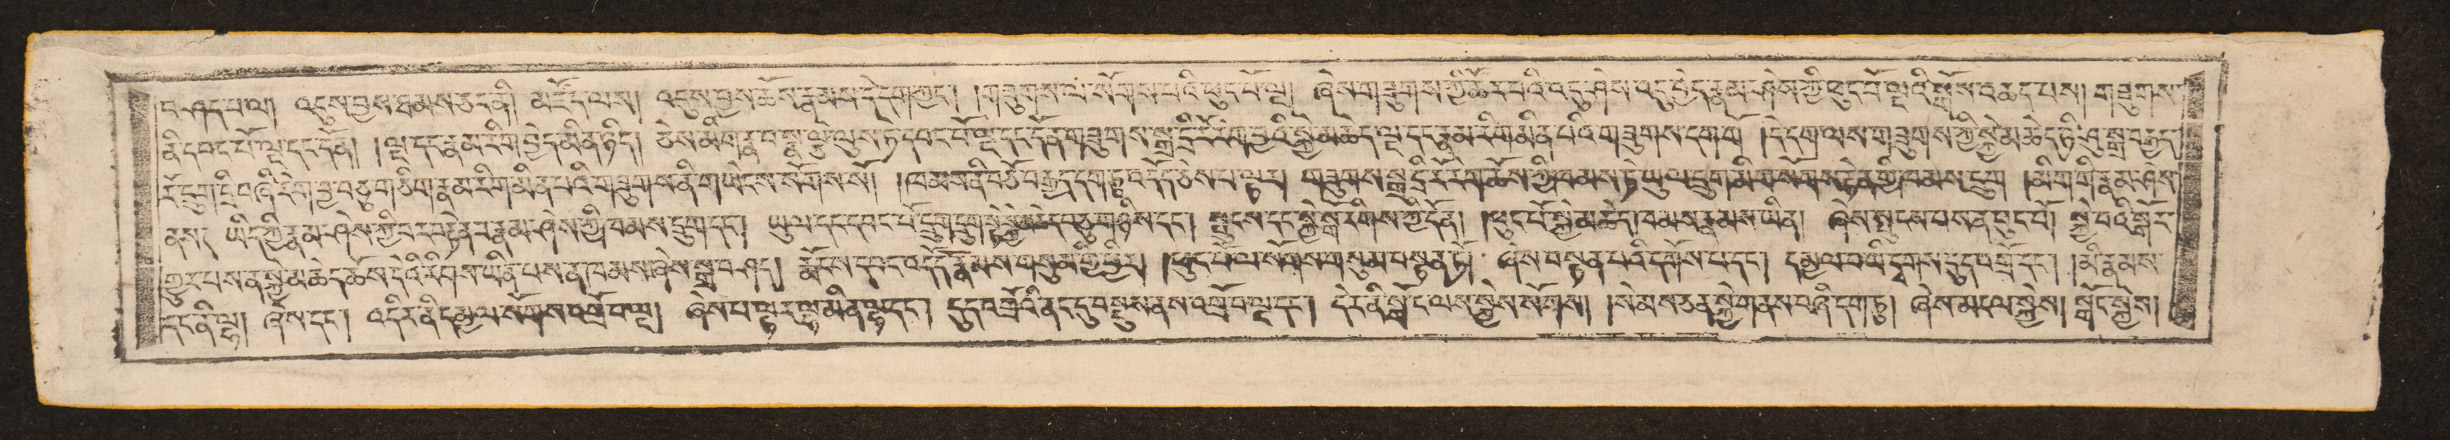བཤད་པ་ལ། འདུས་བྱས་ཐམས་ཅད་ནི། མཛོད་ལས། འདུས་བྱས་ཆོས་རྣམས་དེ་དག་ཀྱང་། །གཟུགས་ལ་སོགས་པའི་ཕུང་པོ་ལྔ། ཞེས་གཟུགས་ཀྱི་ཚོར་བའི་འདུ་ཤེས་འདུ་བྱེད་རྣམ་ཤེས་ཀྱི་ཕུང་པོ་ལྔའི་སྒོས་འཆད་པས། གཟུགས་
ནི་དབང་པོ་ལྔ་དང་དོན། །ལྔ་དང་རྣམ་རིག་བྱེད་མིན་ཉིད། ཅེས་མིག་རྣ་བ་སྣ་ལྕེ་ལུས་ཏེ་དབང་པོ་ལྔ་དང་དོན་གཟུགས་སྒྲ་དྲི་རོ་རེག་བྱའི་སྐྱེ་མཆེད་ལྔ་དང་རྣམ་རིག་མིན་པའི་གཟུགས་དག་གོ །དེ་དག་ལས་གཟུགས་ཀྱི་སྐྱེ་མཆེད་ཉི་ཤུ་སྒྲ་བརྒྱད་
རོ་དྲུག་དྲི་བཞི་རེག་བྱ་བཅུ་གཅིག་རྣམ་རིག་མིན་པའི་གཟུགས་ནི་གཡེངས་སོགས་སོ། །ཁམས་ནི་བཅོ་བརྒྱད་དག་ཏུ་འདོད་ཅེས་པ་ལྟར། གཟུགས་སྒྲ་དྲི་རོ་རེག་ཆོས་ཀྱི་ཁམས་ཏེ་ཡུལ་དྲུག་མིག་སོགས་རྟེན་གྱི་ཁམས་དྲུག །མིག་གི་རྣམ་ཤེས་
ནས༑ ཡིད་ཀྱི་རྣམ་ཤེས་ཀྱི་བར་བརྟེན་པ་རྣམ་ཤེས་ཀྱི་ཁམས་དྲུག་དང་། ཡུལ་དང་དབང་པོ་དྲུག་དྲུག་སྟེ་སྐྱེ་མཆེད་བཅུ་གཉིས་དང་། སྤུངས་དང་སྐྱེ་སྒོ་རིགས་ཀྱི་དོན། །ཕུང་པོ་སྐྱེ་མཆེད་ཁམས་རྣམས་ཡིན། ཞེས་སྤུངས་པས་ན་ཕུང་པོ། སྐྱེ་བའི་སྒོར་
གྱུར་པས་ན་སྐྱེ་མཆེད་ཆོས་དེའི་རིགས་ཡིན་པས་ན་ཁམས་ཞེས་སྒྲ་བཤད། རྨོངས་དབང་འདོད་རྣམས་གསུམ་གྱི་ཕྱིར། །ཕུང་པོ་ལ་སོགས་གསུམ་བསྟན་ཏོ། ཞེས་བསྙན་པའི་དགོས་པ་དང་། དམྱལ་བ་ཡི་དྭགས་དུད་འགྲོ་དང་། །མི་རྣམས་
དང་ནི་ལྷ། ཞེས་དང་། འདིར་ནི་དམྱལ་སོགས་འགྲོ་བ་ལྔ། ཞེས་པ་ལྟར་ལྷ་མིན་ལྷ་དང་། དུད་འགྲོའི་ནང་དུ་བསྡུས་ནས་འགྲོ་བ་ལྔ་དང་། དེར་ནི་སྒོ་ང་ལས་སྐྱེས་སོགས། །སེམས་ཅན་སྐྱེ་གནས་བཞི་དག་ཏུ། ཞེས་མངལ་སྐྱེས། སྒོང་སྐྱེས།